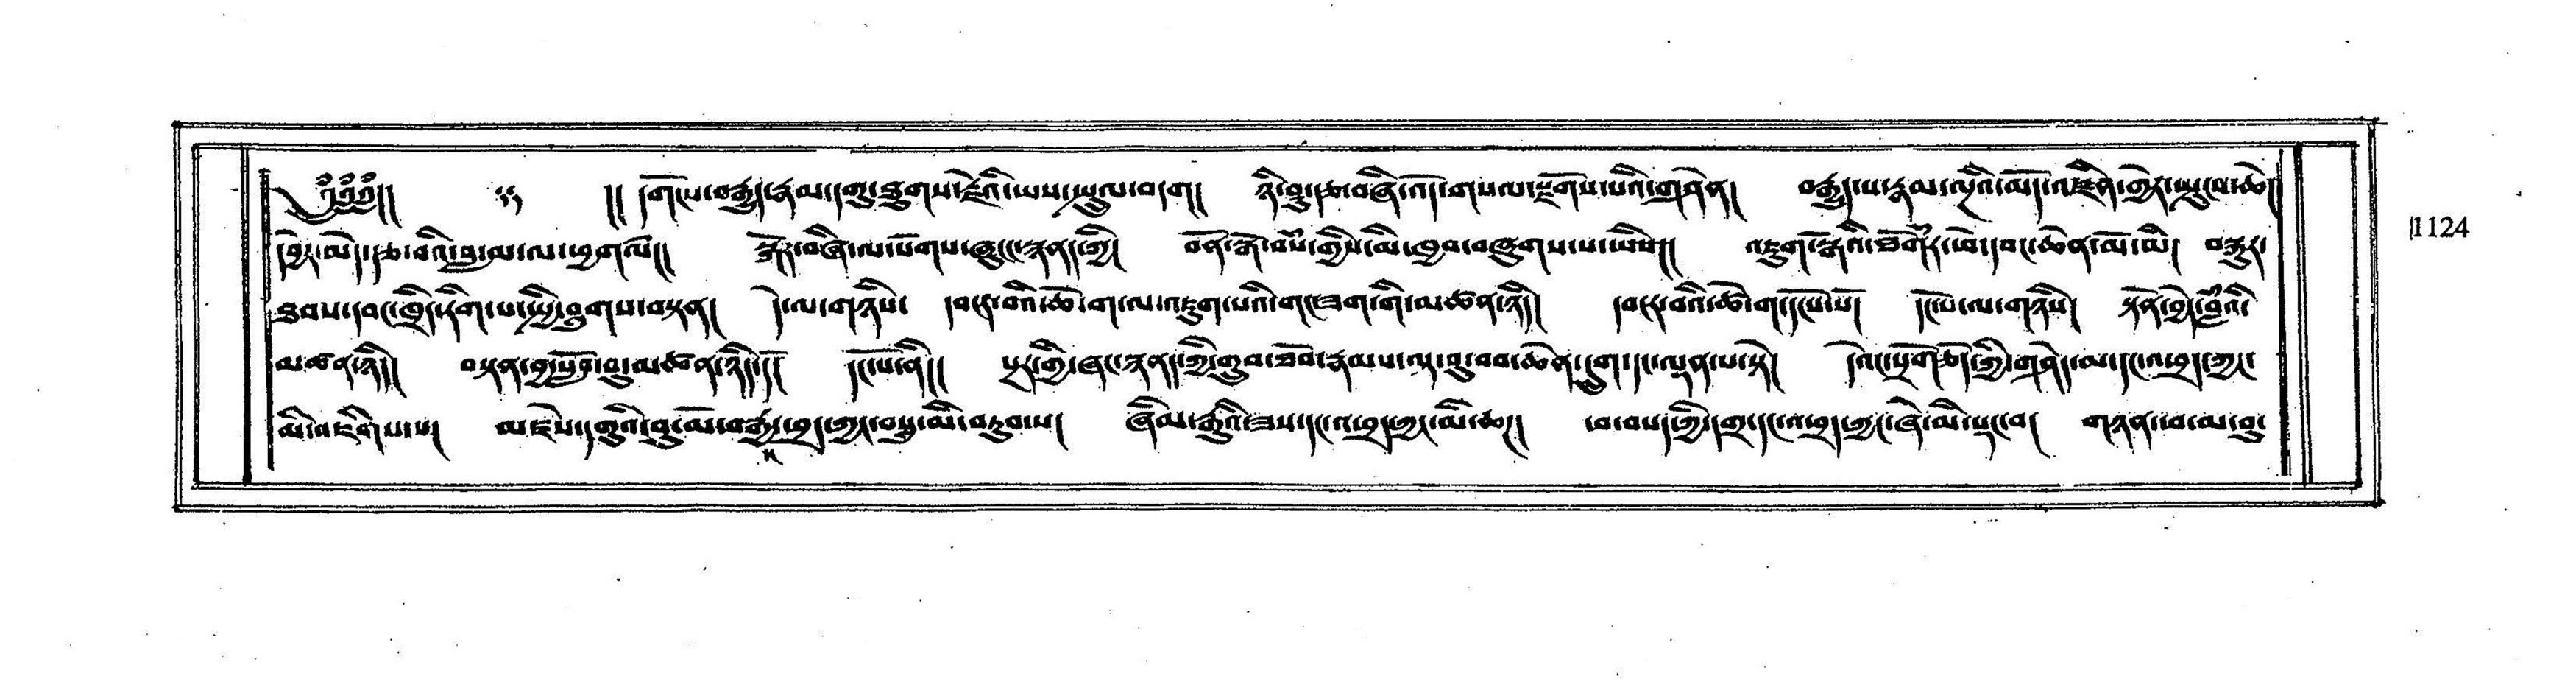༄༅༅།། །།དགོངས་བརྒྱུད་རྣམ་དགུ་ཐུགས་རྗེའི་ཡས་སྤྲུལ་བདག ཉི་ཤུ་རྩ་བཞི་འོད་གསལ་རྫོགས་པའི་གཤེན། བརྒྱུད་པ་རྣམ་ལྔའི་མདོ་འཛིན་གྱེར་སྤུངས་ཆེ། 
དབྱེར་མེད་རྩ་བའི་བླ་མ་ལ་ཕྱག་འཚལ།། སྐོར་བཞི་ལ་སོགས་ཞང་ཞུང་སྙན་རྒྱུད་ཀྱི། བོན་སྒོ་བསམ་གྱིས་མི་ཁྱབ་བཞུགས་པ་ཡིས།། འཇུག་སྒོའི་ཐོག་མར་ཕོ་དབང་ཆེན་མོ་ཡི། བསྐུར་
ཐབས་དབང་ཁྲིད་རིག་པ་སྤྱི་བླུགས་བསྟན། དེ་ལ་གཉིས་དབང་བསྐུར་བའི་ཆོ་ག་ལ་འཇུག་པའི་གང་ཟག་གི་མཚན་ཉིད། དབང་བསྐུར་བའི་ཚེ་ག་དངོས་པོ། དང་པོ་ལ་གཉིས། སྟོན་བྱེད་བླ་མའི་
མཚན་ཉིད། བསྟན་བྱ་སློབ་བུ་མཚན་ཉིད་དོ། དང་པོ་ནི།། སྔར་གྱི་ཞང་ཞུང་སྙན་རྒྱུད་ཀྱི་གྲུབ་ཐོབ་རྣམས་ལྟ་བུ་བབ་ཆེན་དྲུག་དང་ལྡན་པ་སྟེ། དེའང་སྲོག་གཅོད་ཀྱི་གཤེད་མ་དང་འཕྲད་ཀྱང་
མི་འཇིགས་པ། མཛེས་དགུའི་བུ་མོ་བརྒྱ་དང་འཕྲད་ཀྱང་བསླུ་མི་བཏུབ་པ། ཞིམ་རྒུའི་ཟས་དང་འཕྲད་ཀྱང་མི་ཆགས། ཕ་བསད་ཀྱི་དགྲ་དང་འཕྲད་ཀྱང་ཞེ་མི་སྡང་བ། གཉན་ཕ་མ་བུ་